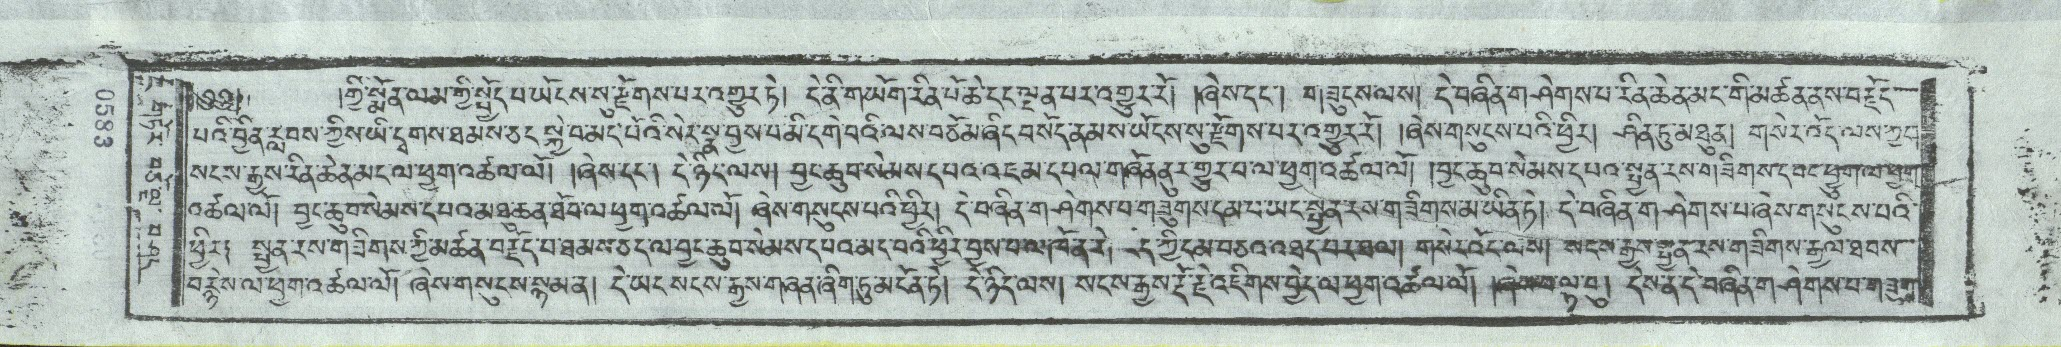༄༅། །གྱི་སྨོན་ལམ་གྱི་སྤྱོད་པ་ཡོངས་སུ་རྫོགས་པར་འགྱུར་ཏེ། དེ་ནི་གཡོག་རིན་པོ་ཆེ་དང་ལྡན་པར་འགྱུར་རོ། །ཞེས་དང་། གཟུངས་ལས། དེ་བཞིན་གཤེགས་པ་རིན་ཆེན་མང་གི་མཚན་ནས་བརྗོད་
པའི་བྱིན་རླབས་ཀྱིས་ཡི་དྭགས་ཐམས་ཅད་སྐྱེ་པ་མང་པོའི་སེར་སྣ་བྱས་པ་མི་དགེ་བའི་ལས་བཅོམ་ཞིང་བསོད་ནམས་ཡོངས་སུ་རྫོགས་པར་འགྱུར་རོ། །ཞེས་གསུངས་པའི་ཕྱིར། ཤིན་ཏུ་མཐུན། གསེར་འོད་ལས་ཀྱང་།
སངས་རྒྱས་རིན་ཆེན་མང་ལ་ཕྱག་འཚལ་ལོ། །ཞེས་དང་། དེ་ཉིད་ལས། བྱང་ཆུབ་སེམས་དཔའ་འཇམ་དཔལ་གཞོན་ནུར་གྱུར་བ་ལ་ཕྱག་འཚལ་ལོ། །བྱང་ཆུབ་སེམས་དཔའ་སྤྱན་རས་གཟིགས་དབང་ཕྱུག་ལ་ཕྱག་
འཚལ་ལོ། བྱང་ཆུབ་སེམས་དཔའ་མཐུ་ཆན་ཐོབ་ལ་ཕྱག་འཚལ་ལོ། ཞེས་གསུངས་པའི་ཕྱིར། དེ་བཞིན་གཤེགས་པ་གཟུགས་དམ་པ་ཡང་སྤྱན་རས་གཟིགས་མ་ཡིན་ཏེ། དེ་བཞིན་གཤེགས་པ་ཞེས་གསུངས་པའི་
ཕྱིར༑ སྤྱན་རས་གཟིགས་ཀྱི་མཚན་བརྗོད་པ་ཐམས་ཅད་ལ་བྱང་ཆུབ་སེམས་དཔའ་མང་བའི་ཕྱིར་བྱས་བ་ལ་ཁོ་ན་རེ། ?་ཀྱི་དམ་བཅའ་འཐད་པར་ཐལ། གསེར་འོང་ལས། སངས་རྒྱས་སྤྱན་རས་གཟིགས་རྒྱལ་ཐབས་
བརྙེས་ལ་ཕྱག་འཚལ་ལོ། ཞེས་གསུངས་སྙམ་ན། དེ་ཡང་སངས་རྒྱས་གཞན་ཞིག་ཏུ་མངོན་ཏེ། དེ་ཉིད་ལས། སངས་རྒྱས་རྡོ་རྗེ་འཇིགས་བྱེད་ལ་ཕྱག་འཚལ་ལོ། །ཞེས་པ་ལྟ་བུ། དེས་ན་དེ་བཞིན་གཤེགས་པ་གཟུགས་